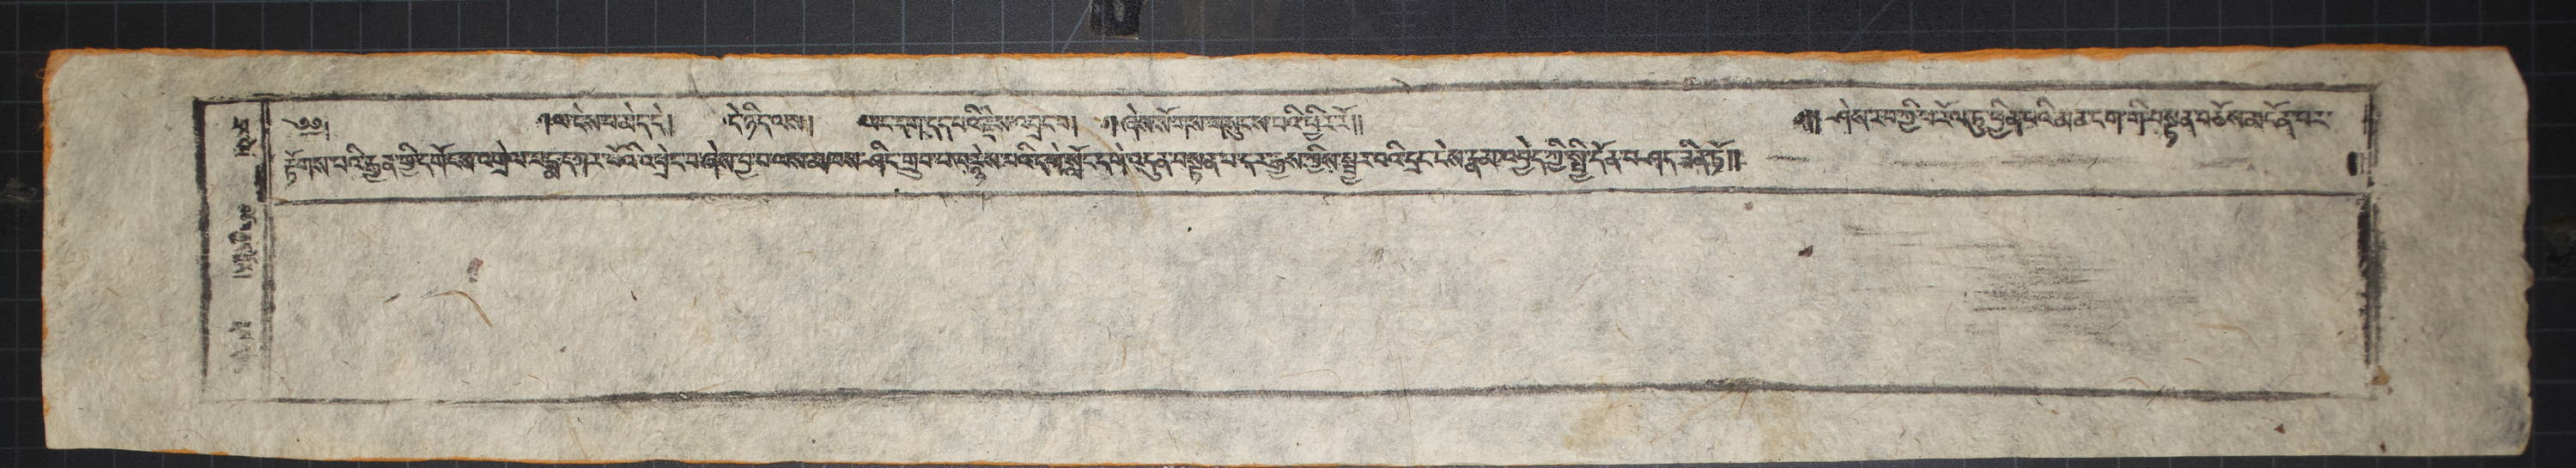༄༅། །ལ་ངེས་པ་མེད་དེ། དེ་ཉིད་ལས། ཡང་དག་དད་པའི་རྗེས་འབྲང་བ། །ཞེས་སོགས་གསུངས་པའི་ཕྱིར་རོ།། །།ཤེས་རབ་ཀྱི་ཕ་རོལ་ཏུ་ཕྱིན་པའི་མན་ངག་གི་བསྟན་བཅོས་མངོན་པར་
རྟོགས་པའི་རྒྱན་གྱི་དགོངས་འགྲེལ་པདམ་དཀར་པོའི་འཕྲེང་བ་ཞེས་བྱ་བ་ལས་མཁས་ཤིང་གྲུབ་པ་བརྙེས་པའི་དགེ་སློང་དགེ་འདུན་བསྟན་པ་དར་རྒྱས་ཀྱིས་སྦྱར་བའི་དྲང་ངེས་རྣམ་འབྱེད་ཀྱི་སྤྱི་དོན་བཤད་ཟིན་ཏོ།།